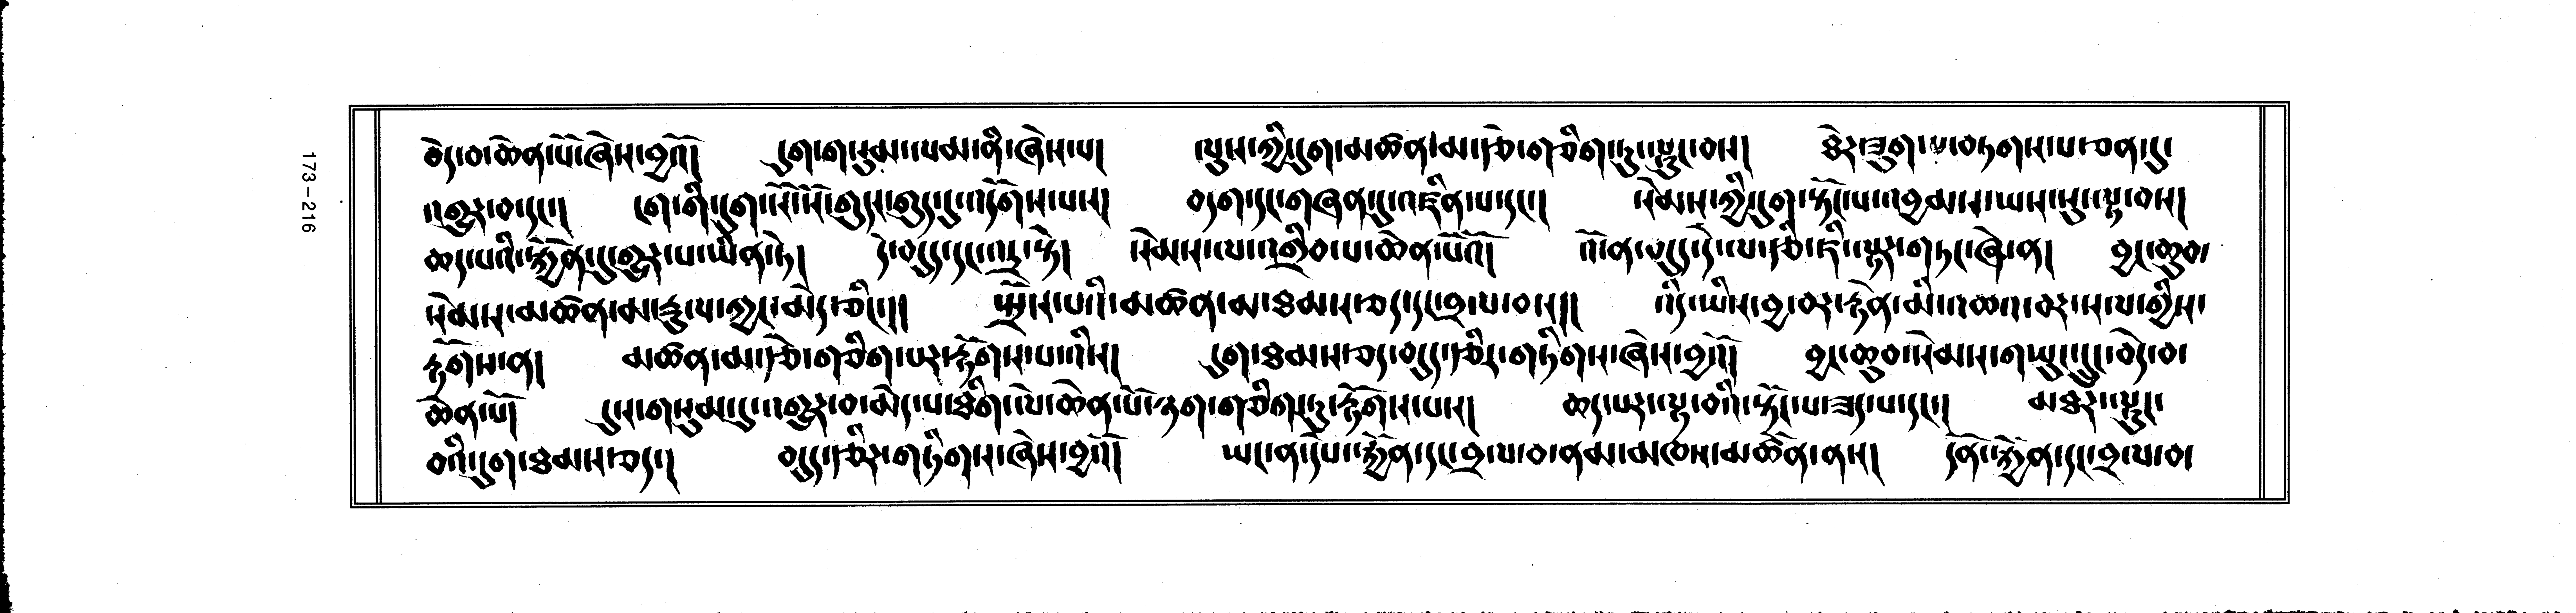བདེ་བ་ཆེན་པོ་ཞེས་བྱའོ། །དུག་གསུམ་ལམ་ནི་ཞེས་པ། ལུས་ཀྱི་དུག་མཚན་མ་རྩེ་གཅིག་ཏུ་ལྟུང་བས། ཐེར་ཟུག་པ་བཏགས་པ་ཅན་དུ་
འགྱུར་བ་དང་། ངག་གི་དུག་སོ་སོ་གུད་དང་གུད་དུ་འདོགས་པས། བདག་དང་གཞན་དུ་འཛིན་པ་དང་། སེམས་ཀྱི་དུག་སྟོང་པ་འབྱམས་ཡས་སུ་ལྟ་བས། 
ཆད་པའི་སྐྱོན་དུ་འགྱུར་བ་ཡིན་ཏེ། དེ་བདུད་དང་འདྲ་སྟེ། སེམས་ལ་འགྲིབ་པ་ཆེན་པོའོ། །འོ་ན་བདུད་དེ་ལ་རྩི་ཇི་ལྟར་བཏང་ཞེ་ན། བྱང་ཆུབ་
སེམས་མཚན་མ་རྡུལ་ཀྱང་མེད་ཅིང་། སྤྲོས་པའི་མཚན་མ་ཐམས་ཅད་དང་བྲལ་བས། འདི་ཡིས་བྱ་བར་རྟེན་མི་འཆའ་བར་སལ་གྱིས་
རྟོགས་ན། མཚན་མ་རྩེ་གཅིག་པར་རྟོགས་པ་ཡིས། དུག་ཐམས་ཅད་བདུད་རྩིར་གཏིགས་ཞེས་བྱའོ། །བྱང་ཆུབ་སེམས་གཡུང་དྲུང་བདེ་བ་
ཆེན་པོ། དུས་གསུམ་དུ་འགྱུར་བ་མེད་པ་ཐིག་ལེ་ཆེན་པོ་ཉག་གཅིག་ཏུ་རྟོགས་པས། ཆད་པར་ལྟ་བའི་སྟོང་པ་ཟད་པ་དང་། མཐར་ལྟུང་
བའི་དུག་ཐམས་ཅད། བདུད་རྩིར་གཏིགས་ཞེས་བྱའོ། །ཡང་ན་དཔེ་སྐྱོན་དང་བྲལ་བ་ནམ་མཁས་མཚོན་ནས། དོན་སྐྱོན་དང་བྲལ་བ་